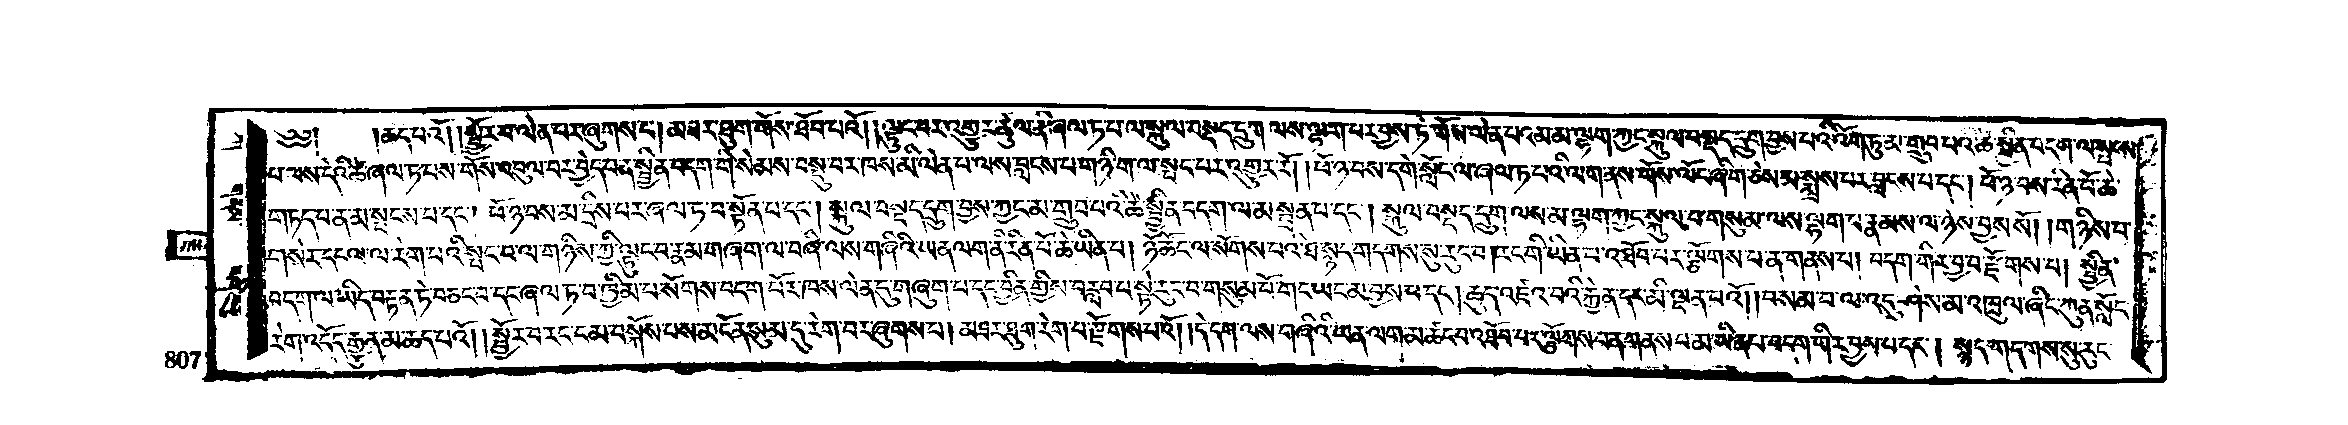༄༅། །ཆད་པའོ། །སྦྱོར་བ་ལེན་པར་ཞུགས་པ། མཐར་ཐུག་གོས་ཐོབ་པའོ། །ལྟུང་བར་འགྱུར་ཚུལ་ནི་ཞལ་ཏ་པ་ལ་སྐུལ་བསྡད་དྲུག་ལས་ལྷག་པར་བྱས་ཏེ་གོས་ལེན་པའམ་མ་ལྷག་ཀྱང་སྐུལ་བསྡད་དྲུག་བྱས་པའི་འོག་ཏུ་མ་གྲུབ་པའི་ཚེ་སྦྱིན་བདག་ལ་སྤངས་
པ་ལས་དེའི་ཚེ་ཞལ་ཏ་པས་གོས་འབུལ་བར་བྱེད་པ་ན་སྦྱིན་བདག་གི་སེམས་བསྡུ་བར་ཁས་མི་ལེན་པ་ལས་བླངས་པ་གཉི་ག་ལ་སྤང་བར་འགྱུར་རོ། །ཕོ་ཉ་བས་དགེ་སློང་ལ་ཞལ་ཏ་པའི་ལག་ནས་གོས་ལོང་ཞིག་ཅེས་མ་སྨྲས་པར་བླངས་པ་དང་། ཕོ་ཉ་བས་རིན་པོ་ཆེ་
གཏད་པ་ན་མ་སྤངས་པ་དང་། ཕོ་ཉ་བས་མ་དྲིས་པར་ཞལ་ཏ་བ་སྟོན་པ་དང་། སྐུལ་བསྔད་དྲུག་བྱས་ཀྱང་མ་གྲུབ་པའི་ཚེ་སྦྱིན་བདག་ལ་མ་སྦྲན་པ་དང་། སྐུལ་བསྔད་དྲུག་ལས་མ་ལྷག་ཀྱང་སྐུལ་བ་གསུམ་ལས་ལྷག་པ་རྣམས་ལ་ཉེས་བྱས་སོ། །གཉིས་པ་
གསེར་དངལ་ལ་རེག་པའི་སྤང་བ་ལ་གཉིས་ཀྱི་ལྟུང་བ་རྣམ་གཞག་ལ་བཞི་ལས་གཞིའི་ཡན་ལག་ནི་རིན་པོ་ཆེ་ཡིན་པ། ཉོ་ཚོང་ལ་སོགས་པའི་ཐ་སྙད་གདགས་སུ་རུང་བ། རང་གི་ཡིན་པ་འཐོབ་པར་ལྕོགས་པ་ན་གནས་པ། བདག་གིར་བྱ་བ་རྫོགས་པ། སྦྱིན་
བདག་ལ་ཡིད་བརྟན་ཏེ་བཅང་བ་དང་ཞལ་ཏ་བ་ཁྱིམ་པ་སོགས་བདག་པོར་ཁས་ལེན་དུ་གཞུག་པ་དང་བྱིན་གྱིས་བརླབ་པ་སྟེ་རུང་བ་གསུམ་པོ་གང་ཡང་མ་བྱས་པ་དང་། ཆུད་འཛའ་བའི་རྐྱེན་དང་མི་ལྡན་པའོ། །བསམ་པ་ལ་འདུ་ཤེས་མ་འཁྲུལ་ཞིང་ཀུན་སློང་
རེག་འདོད་རྒྱུན་མ་ཆད་པའོ། །སྦྱོར་བ་རང་ངམ་བསྐོས་པས་མངོན་སུམ་དུ་རེག་བར་ཞུགས་པ། མཐར་ཐུག་རེག་པ་རྫོགས་པའོ། །དེ་དག་ལས་གཞིའི་ཡན་ལག་མ་ཚང་བ་འཐོབ་པར་ལྕོགས་པ་ན་གནས་པ་མ་ཡིན་པ་བདག་གིར་བྱས་པ་དང་། སྙད་གདགས་སུ་རུང་